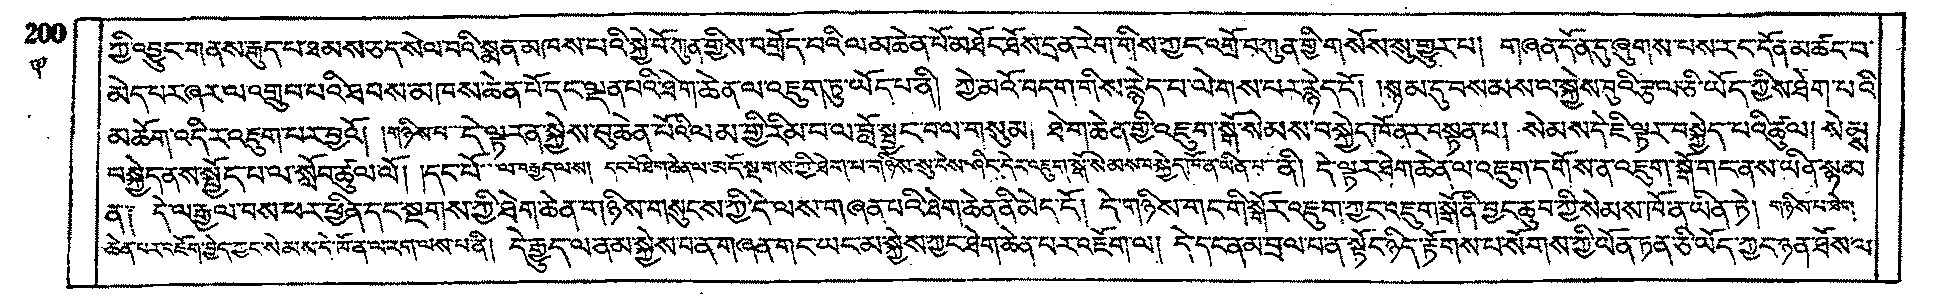ཀྱི་འབྱུང་གནས་རྒུད་པ་ཐམས་ཅད་སེལ་བའི་སྨན་མཁས་པའི་སྐྱེ་བོ་ཀུན་གྱིས་བགྲོད་པའི་ལམ་ཆེན་པོ་མཐོང་ཐོས་དྲན་རེག་གིས་ཀྱང་འགྲོ་བ་ཀུན་གྱི་གསོས་སུ་གྱུར་པ། གཞན་དོན་དུ་ཞུགས་པས་རང་དོན་མ་ཚང་བ་
མེད་པར་ཞར་ལ་འགྲུབ་པའི་ཐམས་མཁས་ཆེན་པོ་དང་ལྡན་པའི་ཐེག་ཆེན་ལ་འཇུག་ཏུ་ཡོད་པ་ནི། ཀྱེ་མའོ་བདག་གིས་རྙེད་པ་ལེགས་པར་རྙེད་དོ། །སྙམ་དུ་བསམས་ལ་སྐྱེས་བུའི་རྩལ་ཅི་ཡོད་ཀྱིས་ཐེག་པའི་
མཆོག་འདིར་འཇུག་པར་བྱའོ། །གཉིས་པ་དེ་ལྟར་ན་སྐྱེས་བུ་ཆེན་པོའི་ལམ་གྱི་རིམ་པ་ལ་བློ་སྦྱང་བ་ལ་གསུམ། ཐེག་ཆེན་གྱི་འཇུག་སྒོ་སེམས་བསྐྱེད་ཁོ་ནར་བསྟན་པ། སེམས་དེ་ཇི་ལྟར་བསྐྱེད་པའི་ཚུལ། སེམས་
བསྐྱེད་ནས་སྤྱོད་པ་ལ་སློབ་ཚུལ་ལོ། །དང་པོལ་བརྒྱད་ལས། དང་པོ་ཐེག་ཆེན་ལ་མདོ་སྔགས་ཀྱི་ཐེག་པ་གཉིས་སུ་ངེས་ཤིང་དེར་འཇུག་སྒོ་སེམས་བསྐྱེད་ཁོ་ན་ཡིན་པ་ནི། དེ་ལྟར་ཐེག་ཆེན་ལ་འཇུག་དགོས་ན་འཇུག་སྒོ་གང་ནས་ཡིན་སྙམ་
ན༑ དེ་ལ་རྒྱལ་བས་ཕར་ཕྱིན་དང་སྔགས་ཀྱི་ཐེག་ཆེན་གཉིས་གསུངས་ཀྱི་དེ་ལས་གཞན་པའི་ཐེག་ཆེན་ནི་མེད་དོ། དེ་གཉིས་གང་གི་སྒོར་འཇུག་ཀྱང་འཇུག་སྒོ་ནི་བྱང་ཆུབ་ཀྱི་སེམས་ཁོ་ན་ཡིན་ཏེ། གཉིས་པ་ཐེག་
ཆེན་པར་འཇོག་བྱེད་ཀྱང་སེམས་དེ་ཁོ་ན་ལ་རག་ལས་པ་ནི། དེ་རྒྱུད་ལ་ནམ་སྐྱེས་པ་ན་གཞན་གང་ཡང་མ་སྐྱེས་ཀྱང་ཐེག་ཆེན་པར་འཇོག་ལ། དེ་དང་ནམ་བྲལ་པ་ན་སྟོང་ཉིད་རྟོགས་པ་སོགས་ཀྱི་ཡོན་ཏན་ཅི་ཡོད་ཀྱང་ཉན་ཐོས་ལ་